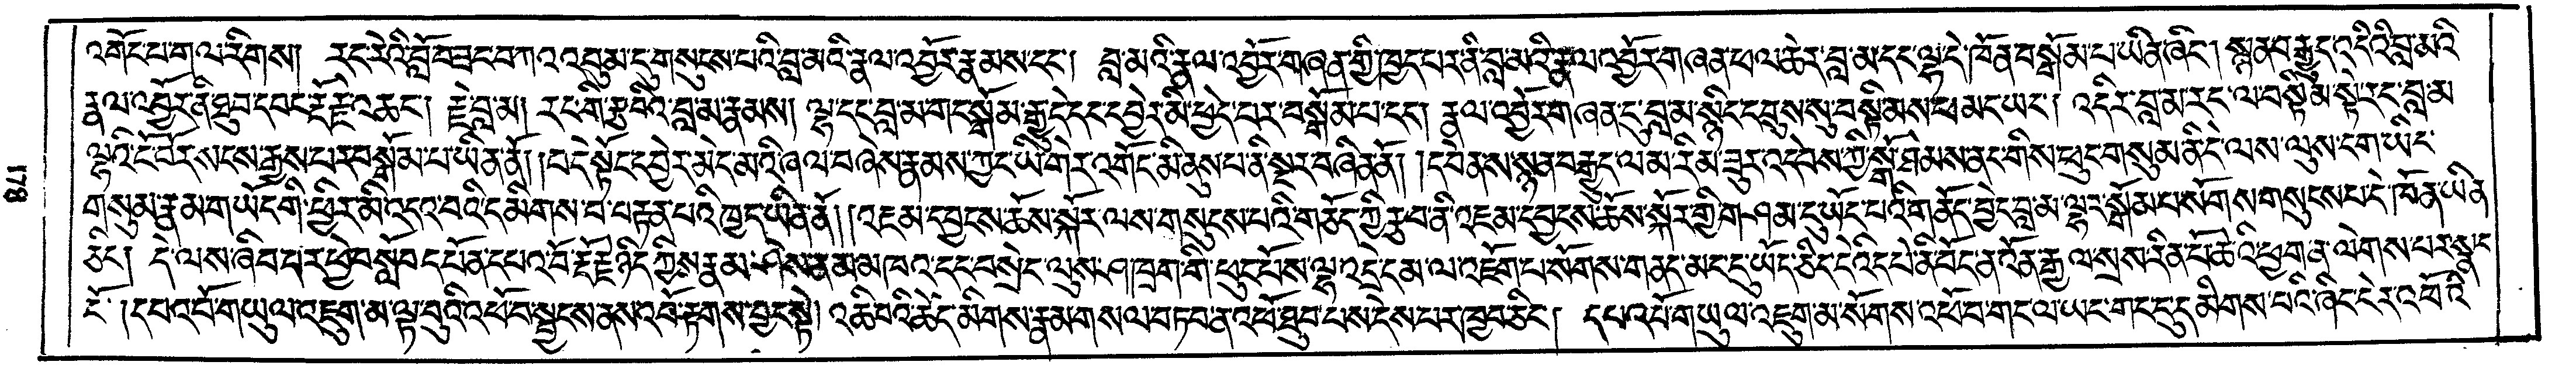འགོད་པ་ག་ལ་རིགས། རང་རེའི་བློ་བཟང་བཀའ་འབུམ་དུ་གསུངས་པའི་བླ་མའི་རྣལ་འབྱོར་རྣམས་དང་། བླ་མའི་རྣལ་འབྱོར་གཞན་གྱི་ཁྱད་པར་ནི་བླ་མའི་རྣལ་འབྱོར་གཞན་ཕལ་ཆེར་བླ་མ་དང་ལྷ་དེ་ཁོན་བསྒོམ་པ་ཡིན་ཞིང་། སྙན་བརྒྱུད་འདིའི་བླ་མའི་
རྣལ་འབྱོར་ནི་ཐུབ་དབང་རྡོ་རྗེ་འཆང་། རྗེ་བླ་མ། རང་གི་རྩ་བའི་བླ་མ་རྣམས། ལྷ་དང་བླ་མ་གང་སྒོམ་རྒྱུ་དེ་དང་དབྱེར་མི་ཕྱེད་པར་བསྒོམ་པ་དང་། རྣལ་འབྱོར་གཞན་དུ་བླ་མ་སྙིང་དབུས་སུ་བསྟིམས་པ་མང་ཡང་། འདིར་བླ་མ་རང་ལ་བསྟིམ་སྟེ་རང་བླ་མ་
ལྷའི་ངོ་བོར་སངས་རྒྱས་པར་བསྒོམ་པ་ཡིན་ནོ། །བདེ་སྟོང་དབྱེར་མེད་མའི་ཞལ་བཞེས་རྣམས་ཀྱང་ཡི་གེར་འགོད་མི་ནུས་པ་ནི་སྔར་བཞིན་ནོ། །དབེན་ས་སྙན་བརྒྱུད་ལམ་རིམ་ཟུར་འདེབས་ཀྱི་སྒོ་ཐེམས་ནང་གི་ས་ཕུང་གསུམ་ནི་དེ་ལས་ལུས་ངག་ཡིད་
གསུམ་རྣམ་གཡེང་གི་ཕྱིར་མི་འདའ་བའི་དམིགས་པ་བརྟན་པའི་ཁྱད་ཡིན་ནོ། །འཇམ་དབྱངས་ཆོས་སྐོར་ལས་གསུངས་པའི་གཅོད་ཀྱི་རྩ་བ་ནི་འཇམ་དབྱངས་ཆོས་སྐོར་གྱི་གཤམ་དུ་ཡོད་པའི་གནོད་བྱེད་བླ་མ་ལྷར་སྒོམ་པ་སོགས་གསུངས་པ་དེ་ཁོ་ན་ཡིན་
ཅིང་། དེ་ལས་ཞིབ་པར་ཕྱེ་བ་སློབ་དཔོན་དཔའ་བོ་རྡོ་རྗེ་ཉིད་ཀྱིས་རྣམ་ཤེས་ནམ་མཁའ་དང་བསྲེ་བ་ལུས་ཤ་ཁྲག་གི་ཕུང་པོས་ལྷ་འདྲེ་དམ་ལ་འཇོག་པ་སོགས་གནད་མང་དུ་ཡོད་ཅིང་དེའི་དཔེ་ནི་བོད་ན་འོན་རྒྱལ་སྲས་རིན་པོ་ཆེའི་ཕྱག་ན་ལེགས་པར་སྣང་
ངོ༑ ༑དཔའ་བོ་གཡུལ་འཇུག་མ་ལྟ་བུའི་འཕོ་བ་སྦྱངས་ནས་འཕོ་རྟགས་བྱུང་སྟེ། འཆི་བའི་ཚེ་དམིགས་རྣམ་གསལ་བཏབ་ན་འཕོ་ཐུབ་པས་ངེས་པར་ཁྱབ་ཅིང་། དཔའ་བོ་གཡུལ་འཇུག་མ་སོགས་འཕོ་བ་གང་ལ་ཡང་གང་དུ་དམིགས་པའི་ཞིང་ངེར་འཕོ་བ་